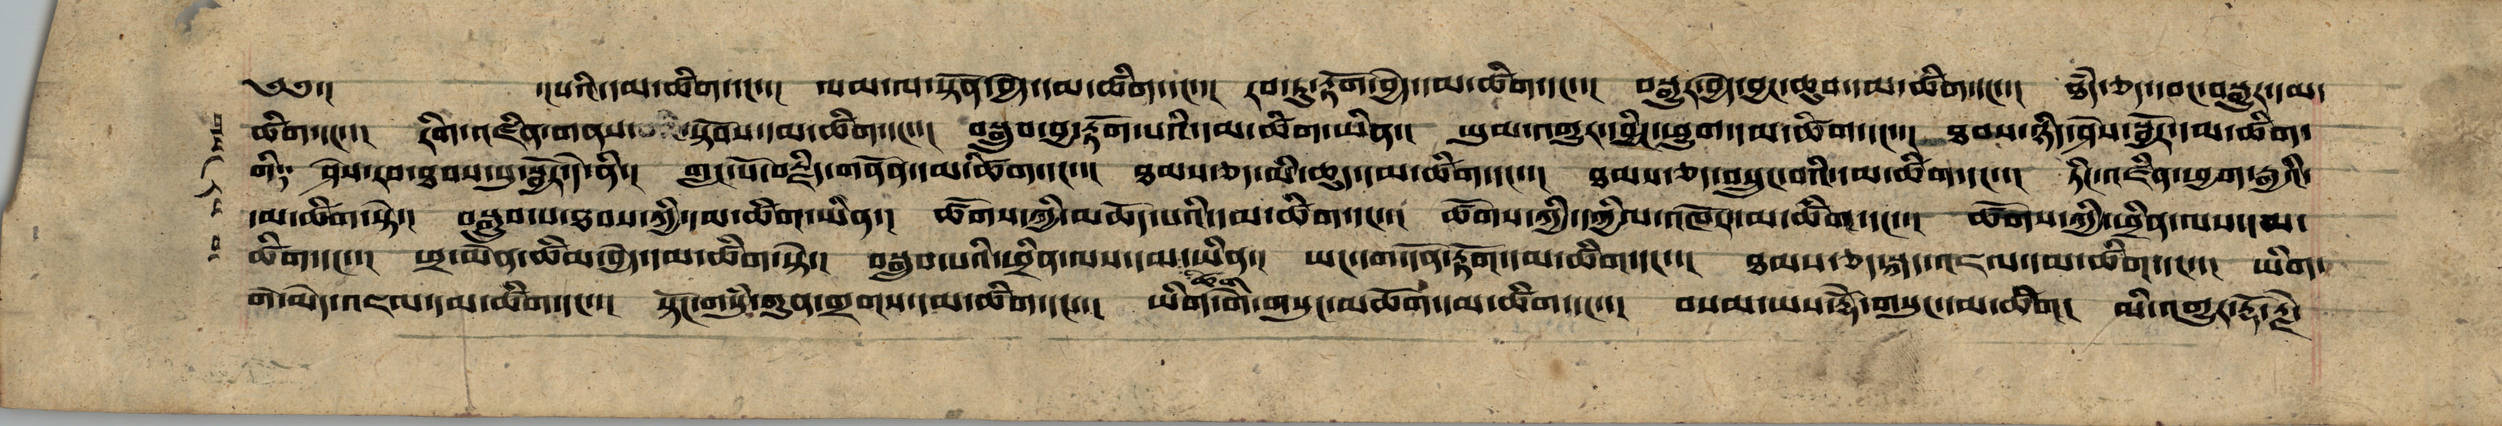༄༅་། ་།པའི་དམ་ཚིག་དང་་། ལམ་ལ་སྟོན་བྱེད་དམ་ཚིག་དང་་། རབ་ཏུ་རྟོག་བྱེད་དམ་ཚིག་དང་་། བསྒྱུར་བྱེད་བྱང་ཆུབ་དམ་ཚིག་དང་་། ཐཾད་དབང་བསྒྱུར་དམ་
ཚིག་དང་་། རིག་འཛིན་གནས་ སྟོབས་དམ་ཚིག་དང་་། བསྒྲུབ་བྱ་རྟོག་པའི་དམ་ཚིག་ཡིན་། ཡུམ་འགྱུར་དབྱིང་ཕྱུག་དམ་ཚིག་དང་་། ཐབས་ཉིད་ཤེས་སྦྱོར་དམ་ཚིག་
གི༑ ཤེས་རབ་ཐབས་སུ་སྦྱོར་དེ་ནི་། གླང་པོ་བརྗིད་གནོན་དམ་ཚིག་དང་་། ཐམས་ཅད་མི་ཆུད་དམ་ཚིག་དང་་། ཐམས་ཅད་བསྲུང་བའི་དམ་ཚིག་དང་་། ཏིང་འཛིན་ཕྱག་རྒྱའི་
དམ་ཚིག་སྟེ་། བསྒྲུབ་པ་ཐབས་ཀྱི་དམ་ཚིག་ཡིན་། ཚོགས་ཀྱི་མཆོད་པའི་དམ་ཚིག་དང་་། ཚོགས་ཀྱི་དཀྱིལ་འཁོར་དམ་ཚིག་དང་་། ཚོགས་ཀྱི་ཕྲིན་ལས་དམ་
ཚིག་དང་་། ཕྲ་མེན་ཚིམ་བྱེད་དམ་ཚིག་སྟེ་། བསྒྲུབ་པའི་ཕྲིན་ལས་དམ་ཚིག་ཡིན་། ཡང་དག་དོན་རྟོག་དམ་ཚིག་དང་་། ཐམས་ཅད་སྐད་འཇལ་དམ་ཚིག་དང་་། ཡིག་
གེ་མེད་འཇལ་དམ་ཚིག་དང་་། སྟོང་གསུཾ་ཀུན་གྲགས་དམ་ཚིག་དང་་། ཡིག་གེ་གསུང་མཆོག་དམ་ཚིག་དང་་། བསམ་ཡས་རྡོེ་གསུང་དམ་ཚིག། མི་འགྱུར་རྡོ་རྗེ་